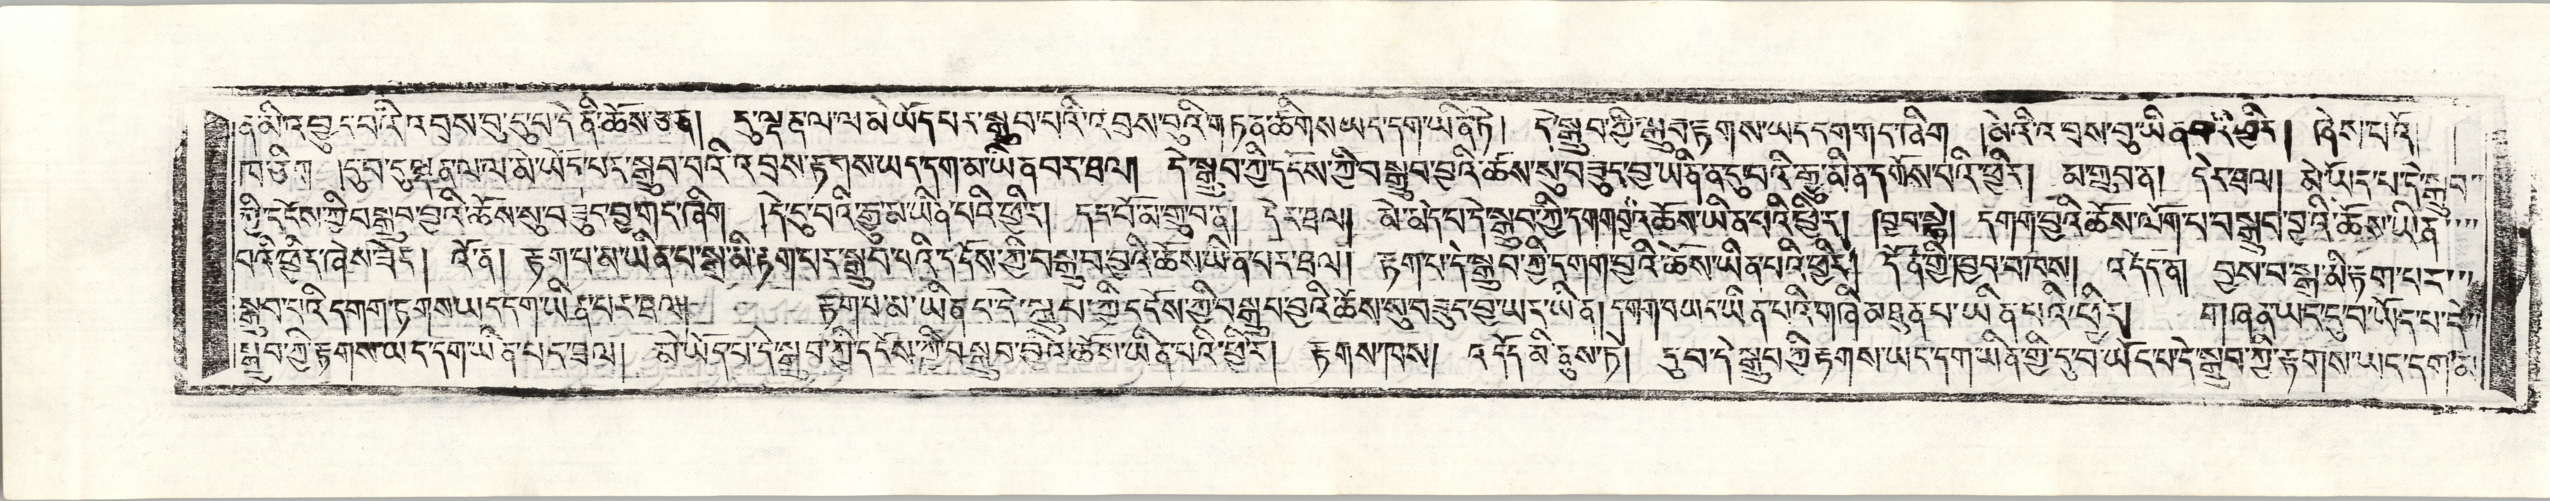ན་མི་འབྱུང་བའི་འབྲས་བུ་དུ་བ་དེ་ནི་ཆོས་ཅན། དུ་ལྡན་ལ་ལ་མེ་ཡོད་པར་སྒྲུབ་པའི་འབྲས་བུའི་གཏན་ཚིགས་ཡང་དག་ཡིན་ཏེ། དེ་སྒྲུབ་ཀྱི་སྒྲུབ་རྟགས་ཡང་དག་གང་ཞིག །མེའི་འབྲས་བུ་ཡིན་པའི་ཕྱིར། ཞེས་པའོ།།
ཁ་ཅིག །དུ་བ་དུ་ལྡན་ལ་ལ་མེ་ཡོད་པར་སྒྲུབ་པའི་འབྲས་རྟགས་ཡང་དག་མ་ཡིན་པར་ཐལ། དེ་སྒྲུབ་ཀྱི་དངོས་ཀྱི་བསྒྲུབ་བྱའི་ཆོས་སུ་བཟུང་བྱ་ཡིན་ན་དུ་བའི་རྒྱུ་མིན་དགོས་པའི་ཕྱིར། མ་གྲུབ་ན། དེར་ཐལ། མེ་ཡོད་པ་དེ་སྒྲུབ་
ཀྱི་དངོས་ཀྱི་བསྒྲུབ་བྱའི་ཆོས་སུ་བཟུང་བྱ་གང་ཞིག །དེ་དུ་བའི་རྒྱུ་མ་ཡིན་པའི་ཕྱིར། དང་པོ་མ་གྲུབ་ན། དེར་ཐལ། མེ་མེད་པ་དེ་སྒྲུབ་ཀྱི་དགག་བྱའི་ཆོས་ཡིན་པའི་ཕྱིར། ཁྱབ་སྟེ། དགག་བྱའི་ཆོས་ལོག་པ་བསྒྲུབ་བྱའི་ཆོས་ཡིན་
པའི་ཕྱིར་ཞེས་ཟེར། འོ་ན། རྟག་པ་མ་ཡིན་པ་སྒྲ་མི་རྟག་པར་སྒྲུབ་པའི་དངོས་ཀྱི་བསྒྲུབ་བྱའི་ཆོས་ཡིན་པར་ཐལ། རྟག་པ་དེ་སྒྲུབ་ཀྱི་དགག་བྱའི་ཆོས་ཡིན་པའི་ཕྱིར། དོན་གྱི་ཁྱབ་པ་ཁས། འདོད་ན། བྱས་པ་སྒྲ་མི་རྟག་པར་
སྒྲུབ་པའི་དགག་རྟགས་ཡང་དག་ཡིན་པར་ཐལ། རྟག་པ་མ་ཡིན་པ་དེ་སྒྲུབ་ཀྱི་དངོས་ཀྱི་བསྒྲུབ་བྱའི་ཆོས་སུ་བཟུང་བྱ་ཡང་ཡིན། དགག་པ་ཡང་ཡིན་པའི་གཞི་མཐུན་པ་ཡིན་པའི་ཕྱིར། གཞན་ཡང་དུ་བ་ཡོད་པ་དེ་
སྒྲུབ་ཀྱི་རྟགས་ཡང་དག་ཡིན་པར་ཐལ། མེ་ཡོད་པ་དེ་སྒྲུབ་ཀྱི་དངོས་ཀྱི་བསྒྲུབ་བྱའི་ཆོས་ཡིན་པའི་ཕྱིར། རྟགས་ཁས། འདོད་མི་ནུས་ཏེ། དུ་བ་དེ་སྒྲུབ་ཀྱི་རྟགས་ཡང་དག་ཡིན་གྱི་དུ་བ་ཡོད་པ་དེ་སྒྲུབ་ཀྱི་རྟགས་ཡང་དག་མ་